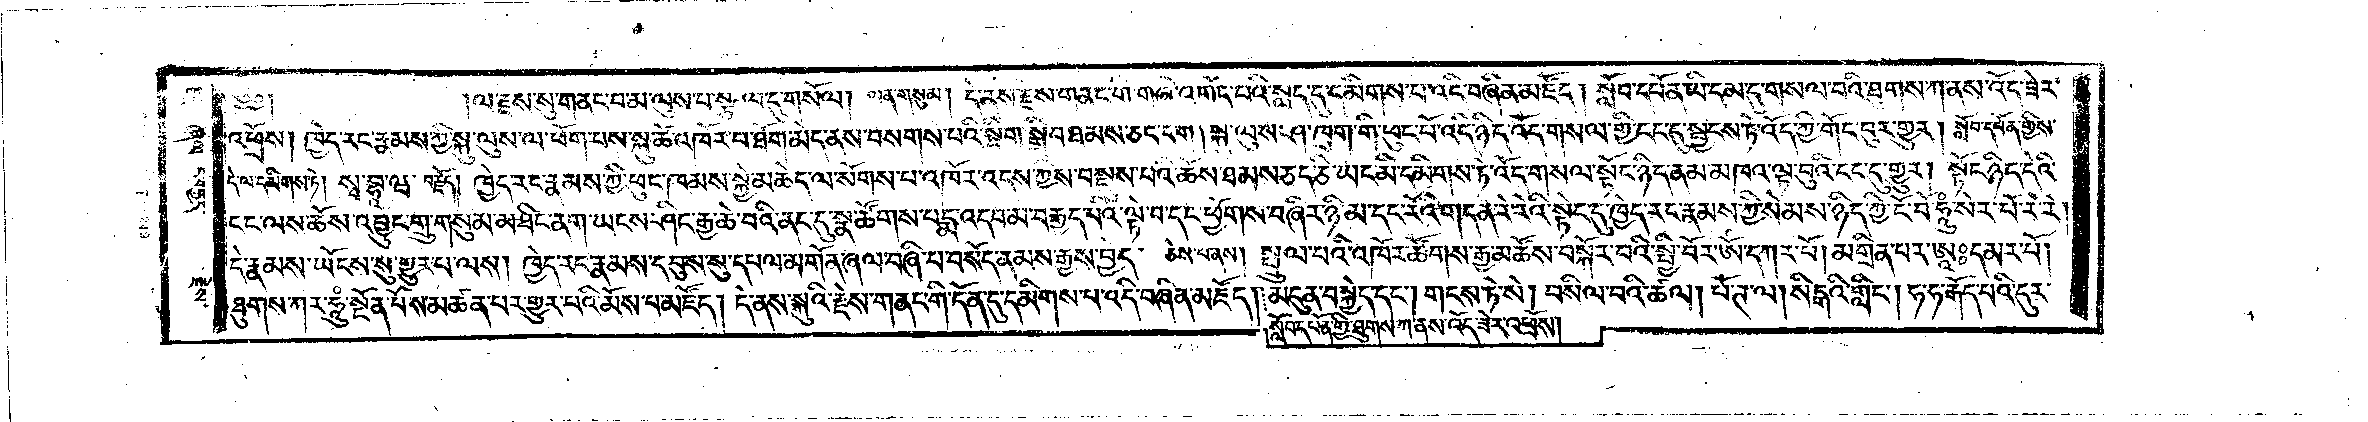༄༅། །ལ་རྗེས་སུ་གནང་བ་མ་ལུས་པ་སྩལ་དུ་གསོ། ལན་གསུམ། དེ་ནས་རྗེས་གང་གི་གཞི་འགོད་པའི་སད་དུ་དམིགས་པ་འོད་བཞེན་མཛོད། སློབ་དཔོན་ཡིད་མ་དུ་གསལ་བ་ཐུགས་ཀ་ནས་འོད་ཟེར་
འཕྲོས། ཁྱད་རང་རྣམས་ཀྱི་སྐུ་ལུས་ལ་ཕོག་བས་སྐུ་ཚེ་འཁྲོ་བ་ཐོག་མེད་ནས་བསགས་པའི་སྡེག་སྒྲིབ་ཐམས་ཅད་དག། སྐུ་ལུས་ཤ་ཁྲག་གི་ཕུང་པོ་འོད་ཉིད་འོད་གསལ་གྱི་ངང་དུས་སྦྱངས་ཏེ་འོད་ཀྱི་གོང་བ་གྱུར། སློབ་དཔོན་གྱིས་
དེ་ལ་དམིགས་ཏེ། སྭ་ཧཱ་ཝ་བརྗོད། བྱེད་རང་རྣམས་ཀྱི་ཕུང་ཁམས་སྐྱེ་མཆེད་ལ་སོགས་པ་འཁོར་འདས་ཀྱིས་བསྡུད་པའི་ཆོས་ཐམས་ཅད་ནི་ཡང་མི་དམིགས་ཏེ་འོད་གསལ་སོང་ཉི་ནམ་མཁའ་ལྟ་བུའི་ངང་དུ་གྱུར། སྟོང་ཉིད་དེའི་
ངང་ལས་ཆོས་འབྱུང་གྲུ་གསུམ་མཐིང་ནག་ཡངས་ཤིང་ག་ཆེ་བའི་ནང་དུ་སྣ་ཚོགས་པདམ་འདབ་མ་བརྒྱད་པའི་ལྟེ་བ་དང་ཕྱོགས་བཞིར་ཉི་མ་དང་རོའི་གདན་རེ་རེ་འི་སྟེང་དུ་ཁྱེད་རང་རྣམས་ཀྱི་སེམས་ཀྱི་ངོ་བོ་ཧཱུཾ་སེར་པོ་རེ་རེ།
དེ་རྣམས་ཡོངས་སུ་གྱུར་པ་ལས། ཁྱེད་རང་རྣམས་དབུས་སུ་དཔལ་མགོན་ཞལ་བཞི་པ་བསོད་ནམས་གས་བྱེད་ཅེས་བ་ནས། སྦྲུལ་པའི་འཁོར་ཚེགས་རྒྱ་མཚོ་བསྐོར་བའི་སྤྱི་བོར་ཨོཾ་དཀར་པོ། མགྲིན་པར་ཨཱཿ དམར་པོ།
ཐུགས་ཀར་ཧཱུཾ་སྔོན་པོས་མཚན་པར་གྱུར་པའི་མོས་པ་མཛོད། དེ་ནས་ཀུའི་རྗེས་གང་གི་དོན་དུ་དམིགས་པ་འདི་བཞིན་མཛོད་མདུན་བསྐྱེད་གང་། གངས་ཏེ་སེ། བསིལ་བའི་ཙལ་པོ་ཏ་ལ། སྔའི་གླིང་། ཧ་ཧ་རྒོད་པའི་དུར་སློབ་དཔོན་གྱི་ཐུགས་ཀ་ནས་འོད་ཟེར་འཕྲོས།